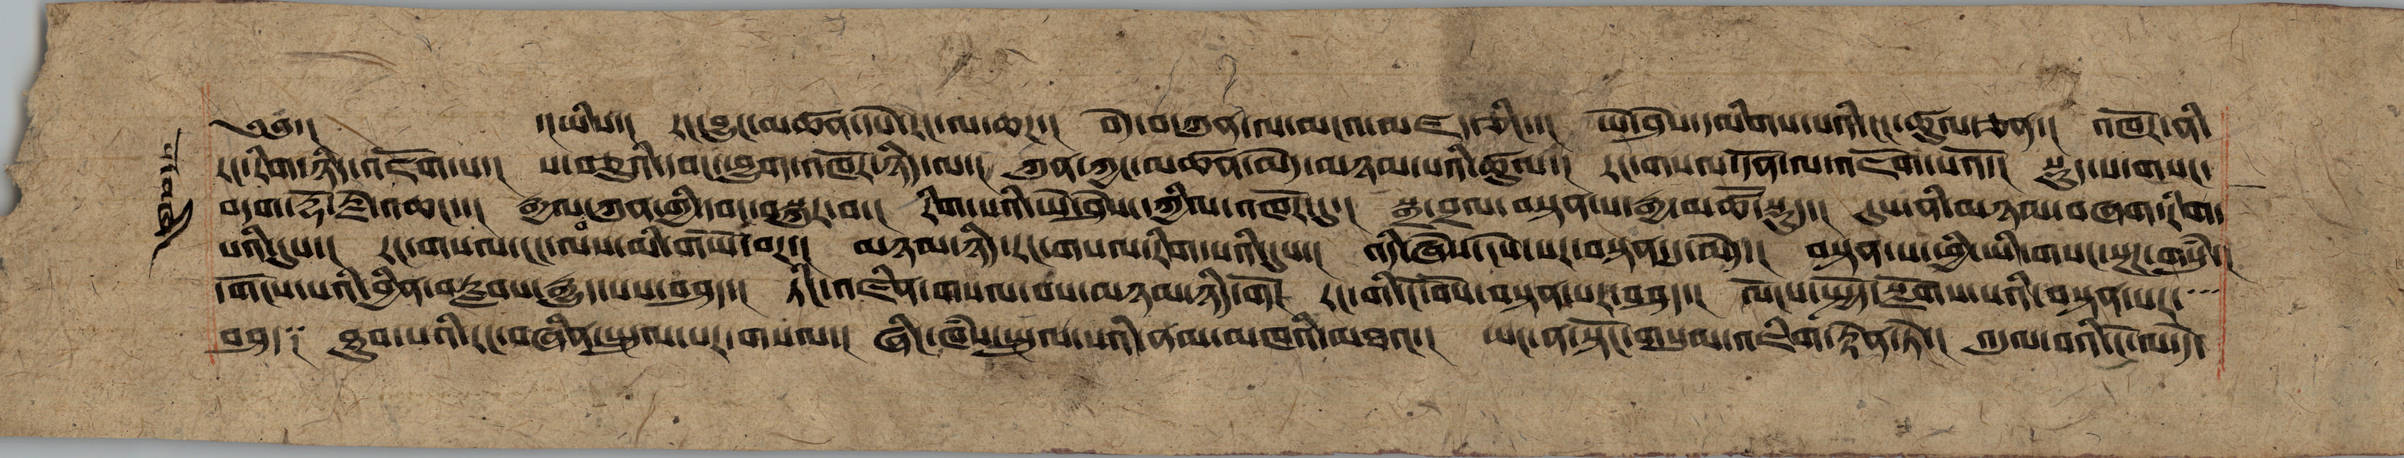༄༅་། ་།ཡིས་། རང་བྱུང་མཚན་དཔེ་རང་ལ་ཆཌ་། བདེ་བ་ཀུན་ལ་མངའ་མཛད་ཅིང་། ཡེ་ཤེས་དམིགས་པའི་ངང་ཚུལ་ཅན་། འཁོར་ནི་
རང་རིག་ཉིད་འཇོག་པ་། ས་བཅུའི་དབང་ཕྱུག་འཁོར་ཉིད་ལ་། ཀུན་ཀྱང་མཚན་མེད་མཉམ་པའི་ཚུལ་། རང་གསལ་དོན་ལ་འཇོག་པའོ་། སྡུད་པ་གསང་
བདག་རྡོ་རྗེ་འཆང་་། རྒྱལ་བ་ཀུན་གྱི་དབང་བསྐུར་བ་། རིག་པའི་ཡེ་ཤེས་དཀྱིལ་འཁོར་དུ་། སྒྲ་བྲལ་བསྟན་པ་རྒྱ་མཚོ་སྡུད་། དུས་ནི་མཉམ་བཞག་རིག་
པའི་དུས་། རང་གསལ་ངང་ལས་མི་གཡོ་བར་། མཉམ་ཉིད་རང་གསལ་རིག་པའི་དུས་། འདི་ཞེས་ངེས་པར་བསྟན་དུ་མེད་། བསྟན་པ་ཕྱི་ཡི་གསང་སྔཌ་གསུཾ་།
དགོངས་པའི་བྱིན་བརླབས་རྒྱུད་པས་བཤད་། ཏིང་འཛིན་གསལ་བས་མཉམ་ཉིད་གོ། རང་གི་ངོ་བོས་བསྟན་པར་བཤད་། ལོངས་སྤྱོད་སྫོགས་པའི་བསྟན་པར་
བཤད༑ ཐུབ་པའི་རང་བཞིན་སྤྲུལ་པར་གསལ་། ཞིང་ཁཾས་ཡུལ་སའི་ནམ་མཁའི་མཐའ་། ཡང་ན་སྟོང་གསུམ་འཇིག་རྟེན་ཏེ་། འདུལ་བའི་ངོ་ལ་དེ་